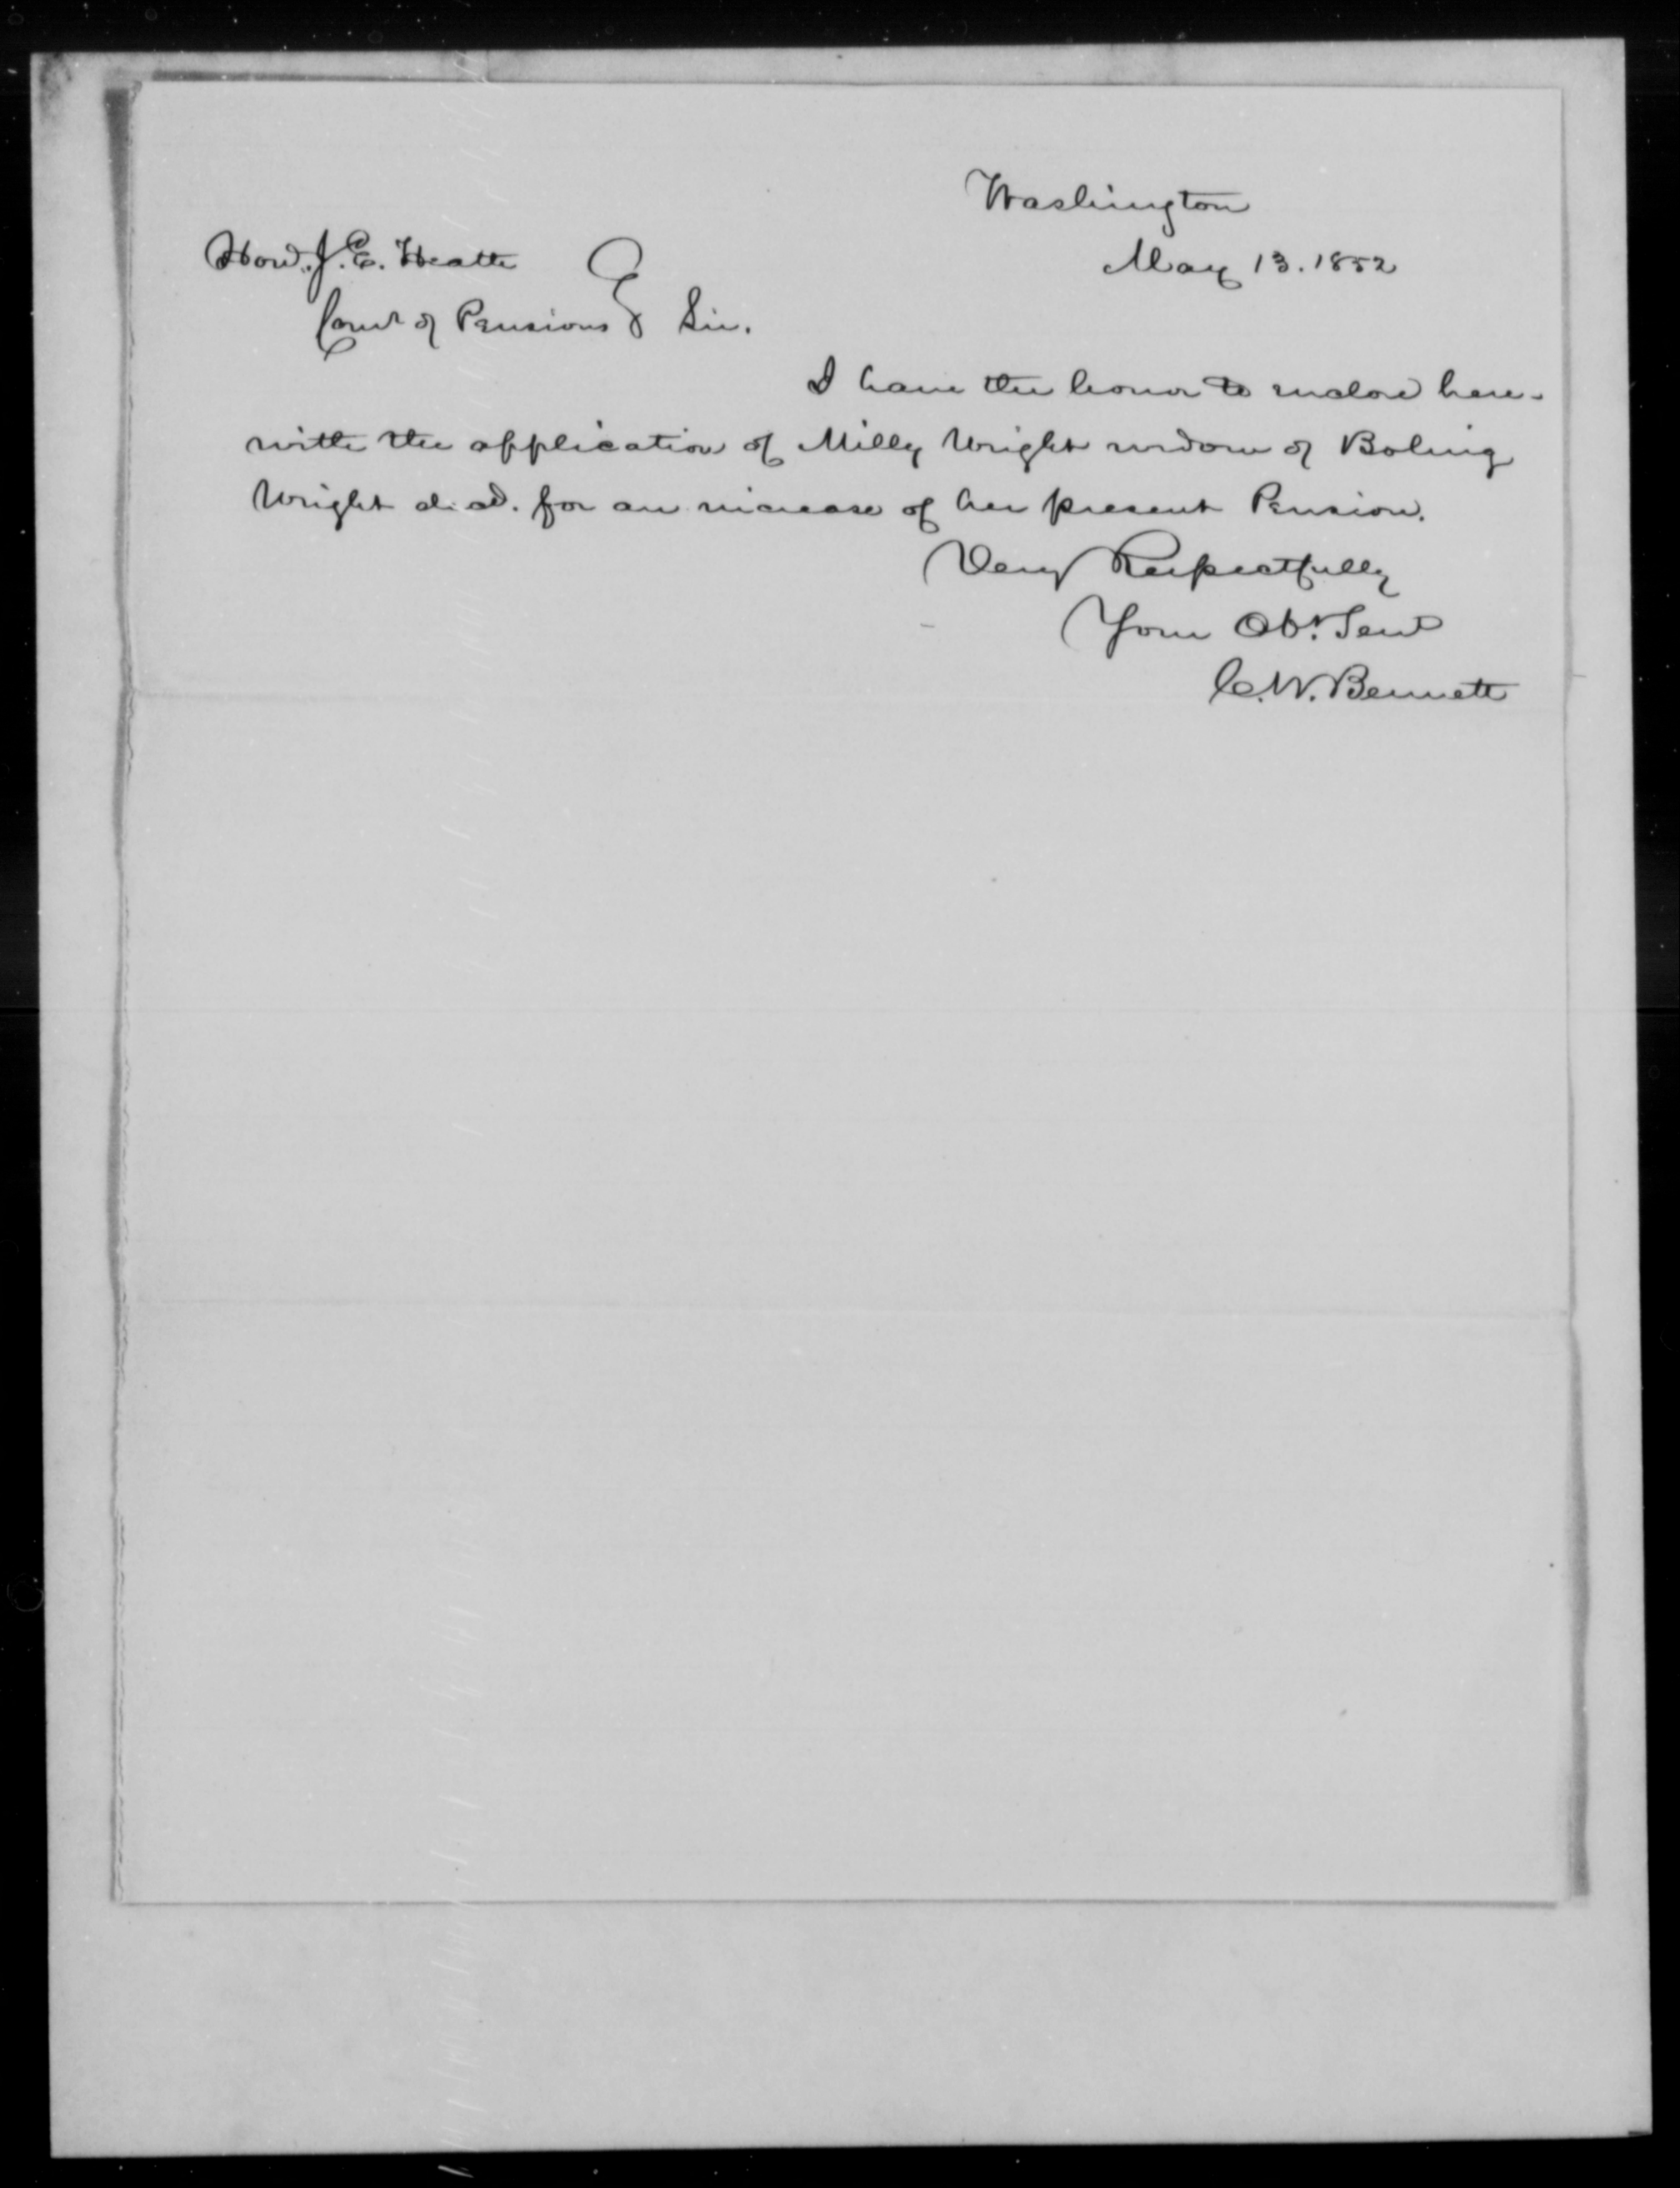Washington
May 18. 1882

Hon. J. E. Heath
Comr of Pensions} Sir.
I have the honor to enclose herewith
the application of Milly Wright widow of Boling [sic]
Wright decd for an increase of her present Pension
Very Respectfully
Your Obt Sent
C.W. Bennett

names: C W Bennett, Milly Wright, J E Heath, Boling Wright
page: 53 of 81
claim: widow's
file: W. 5183, Bolling Wright, Va.